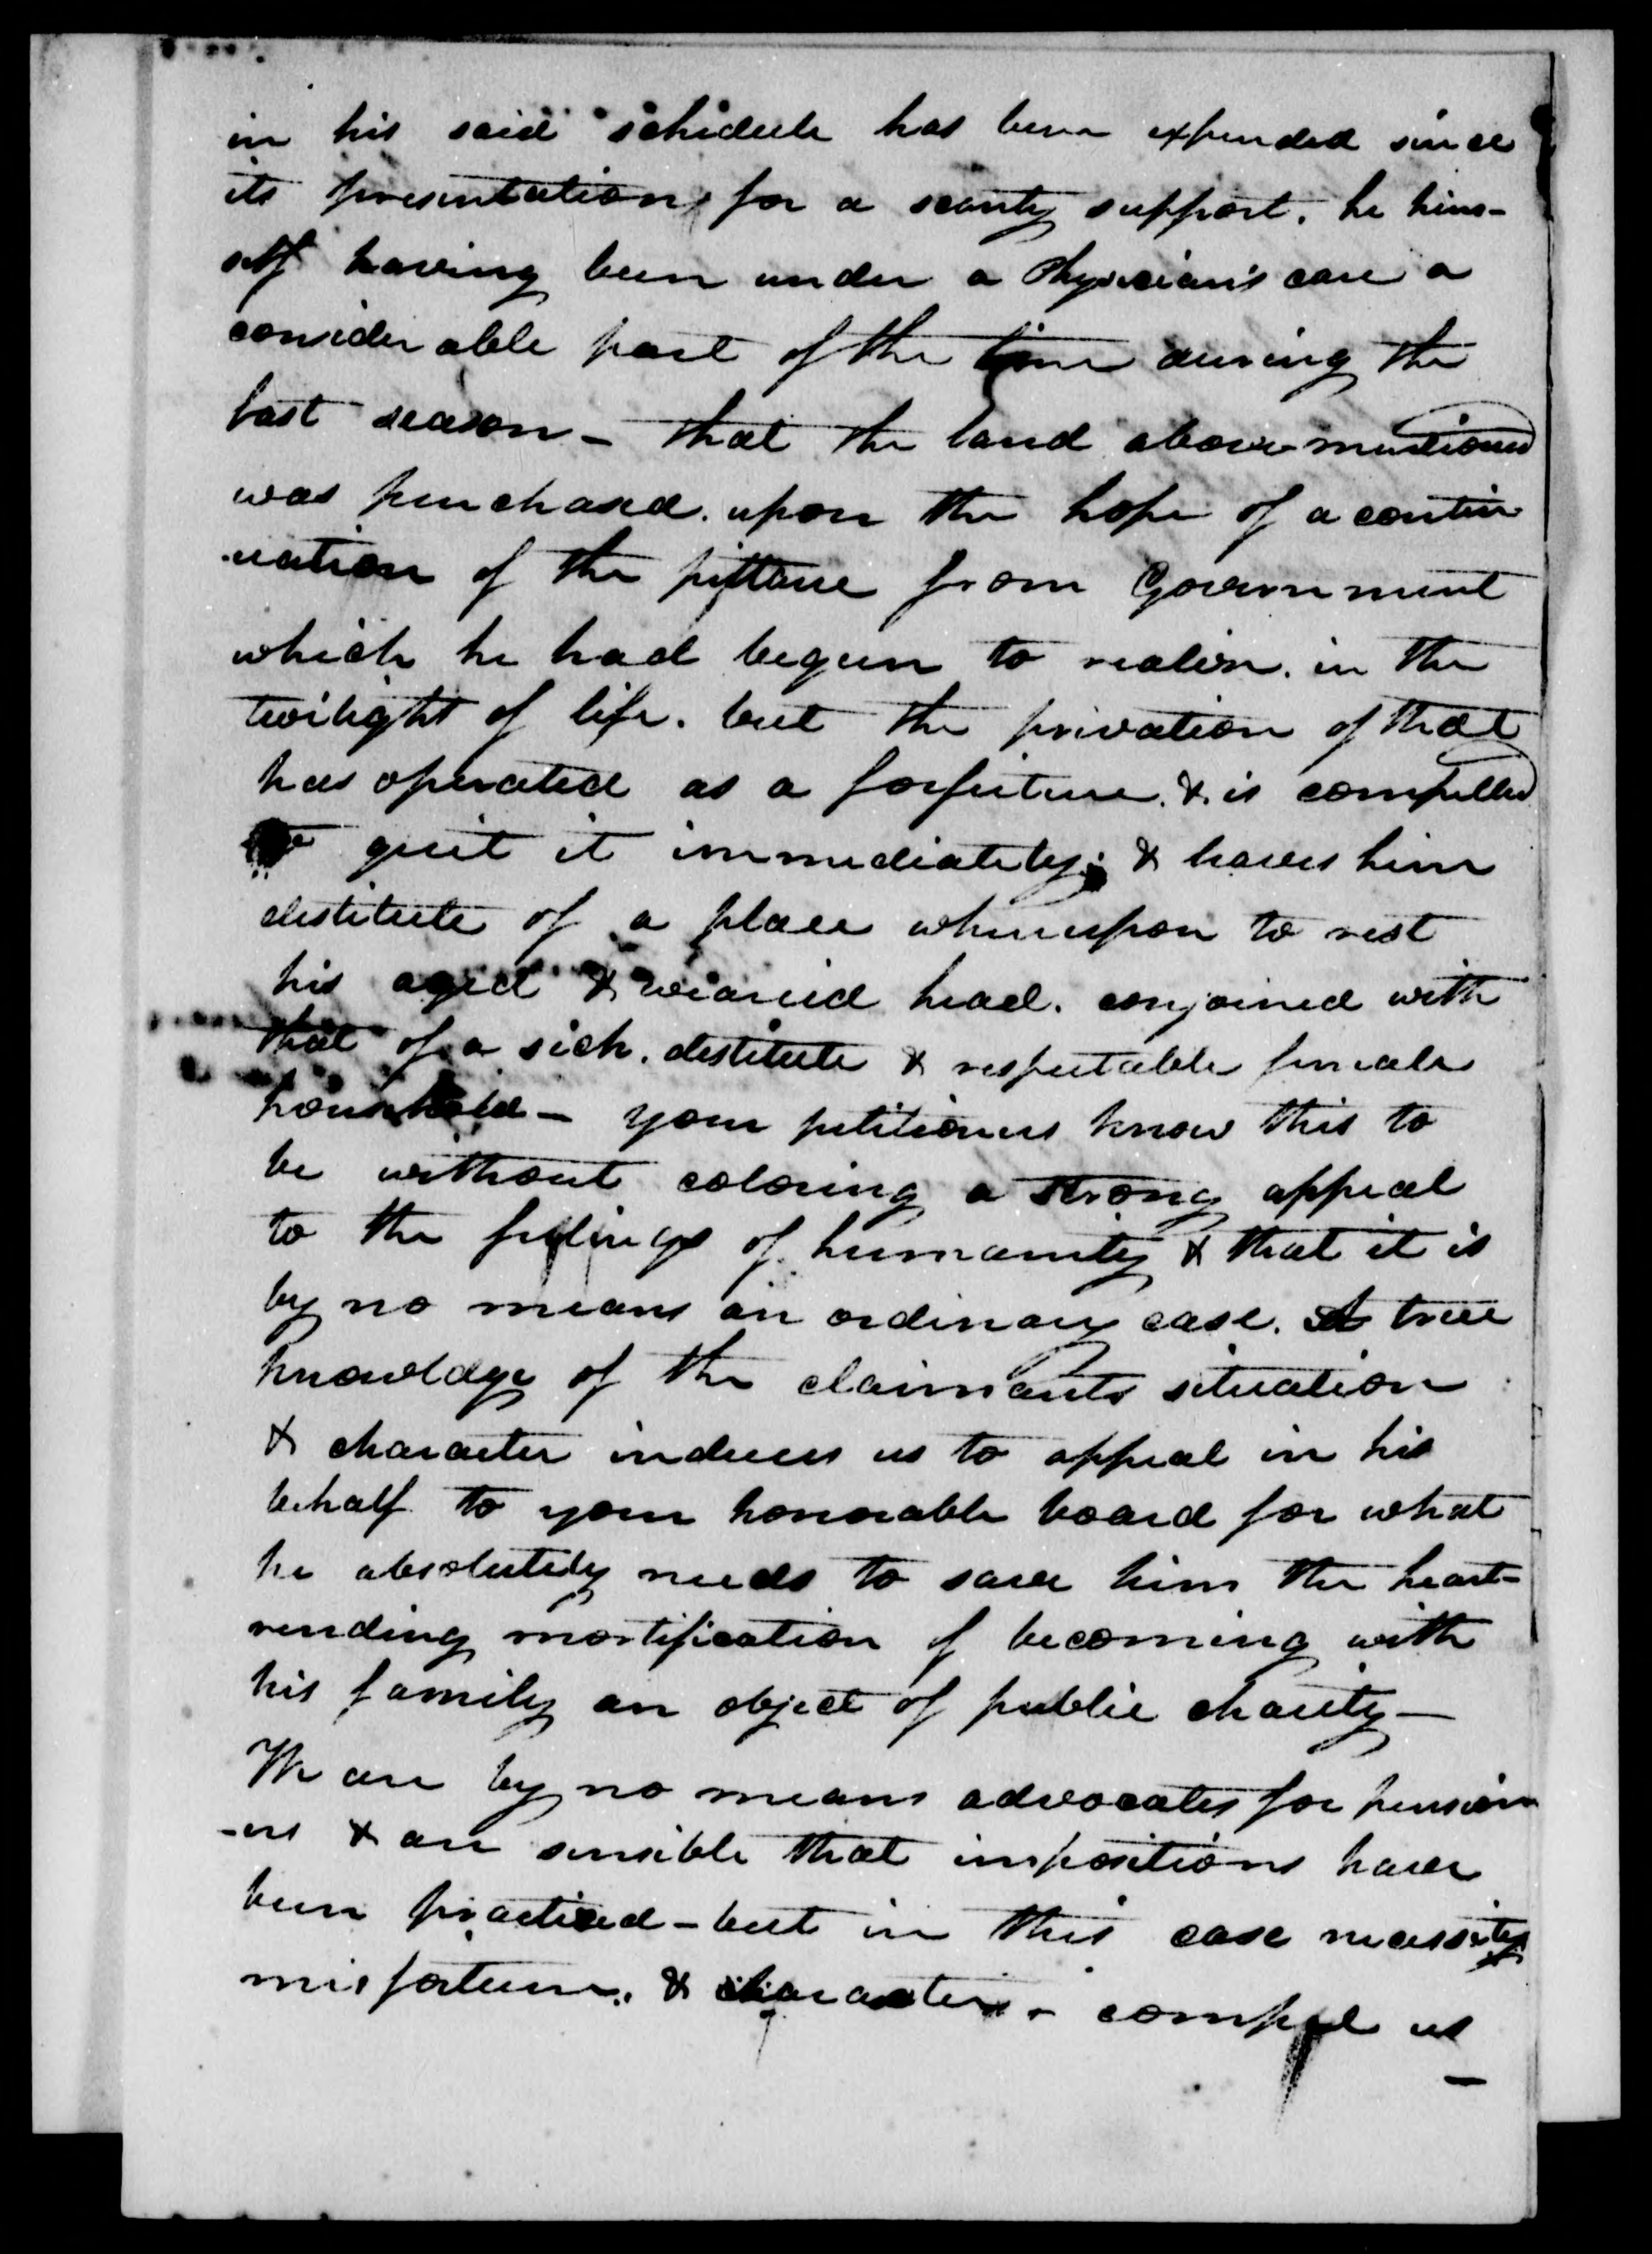in his said schedule has been expended since
its presentation for a scanty support. he himself having been under a Physician's care a
considerable part of the time during the
last season - that the land above mentioned
was purchased upon the hope of a continuation of the pittance from Government
which he had begun to realize in the  twilight of life.  but the privation of that has operated as a forfeiture & is compelled [crossed out]
quit it immediately; & have him destitute of a place whereupon to rest his aged & wearied head. conjoined with that of a sick, destitute & respectable female household-- your petitioners know this to be without coloring a strong appeal to the feelings of humanity & that it is by no means an ordinary case.  A true
knowledge of the claimants situation
& character induces us to appeal in his
behalf to your honorable board for what
he absolutely needs to save him the heart
rending mortification of becoming with
his family an object of public charity-
We are by no means advocates for pensioners & are sensible that impositions have
been practiced - but in this case necessity
misfortune & character - compel us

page: 72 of 87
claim: widow's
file: W. 25,966, Moses Weld, Mass.